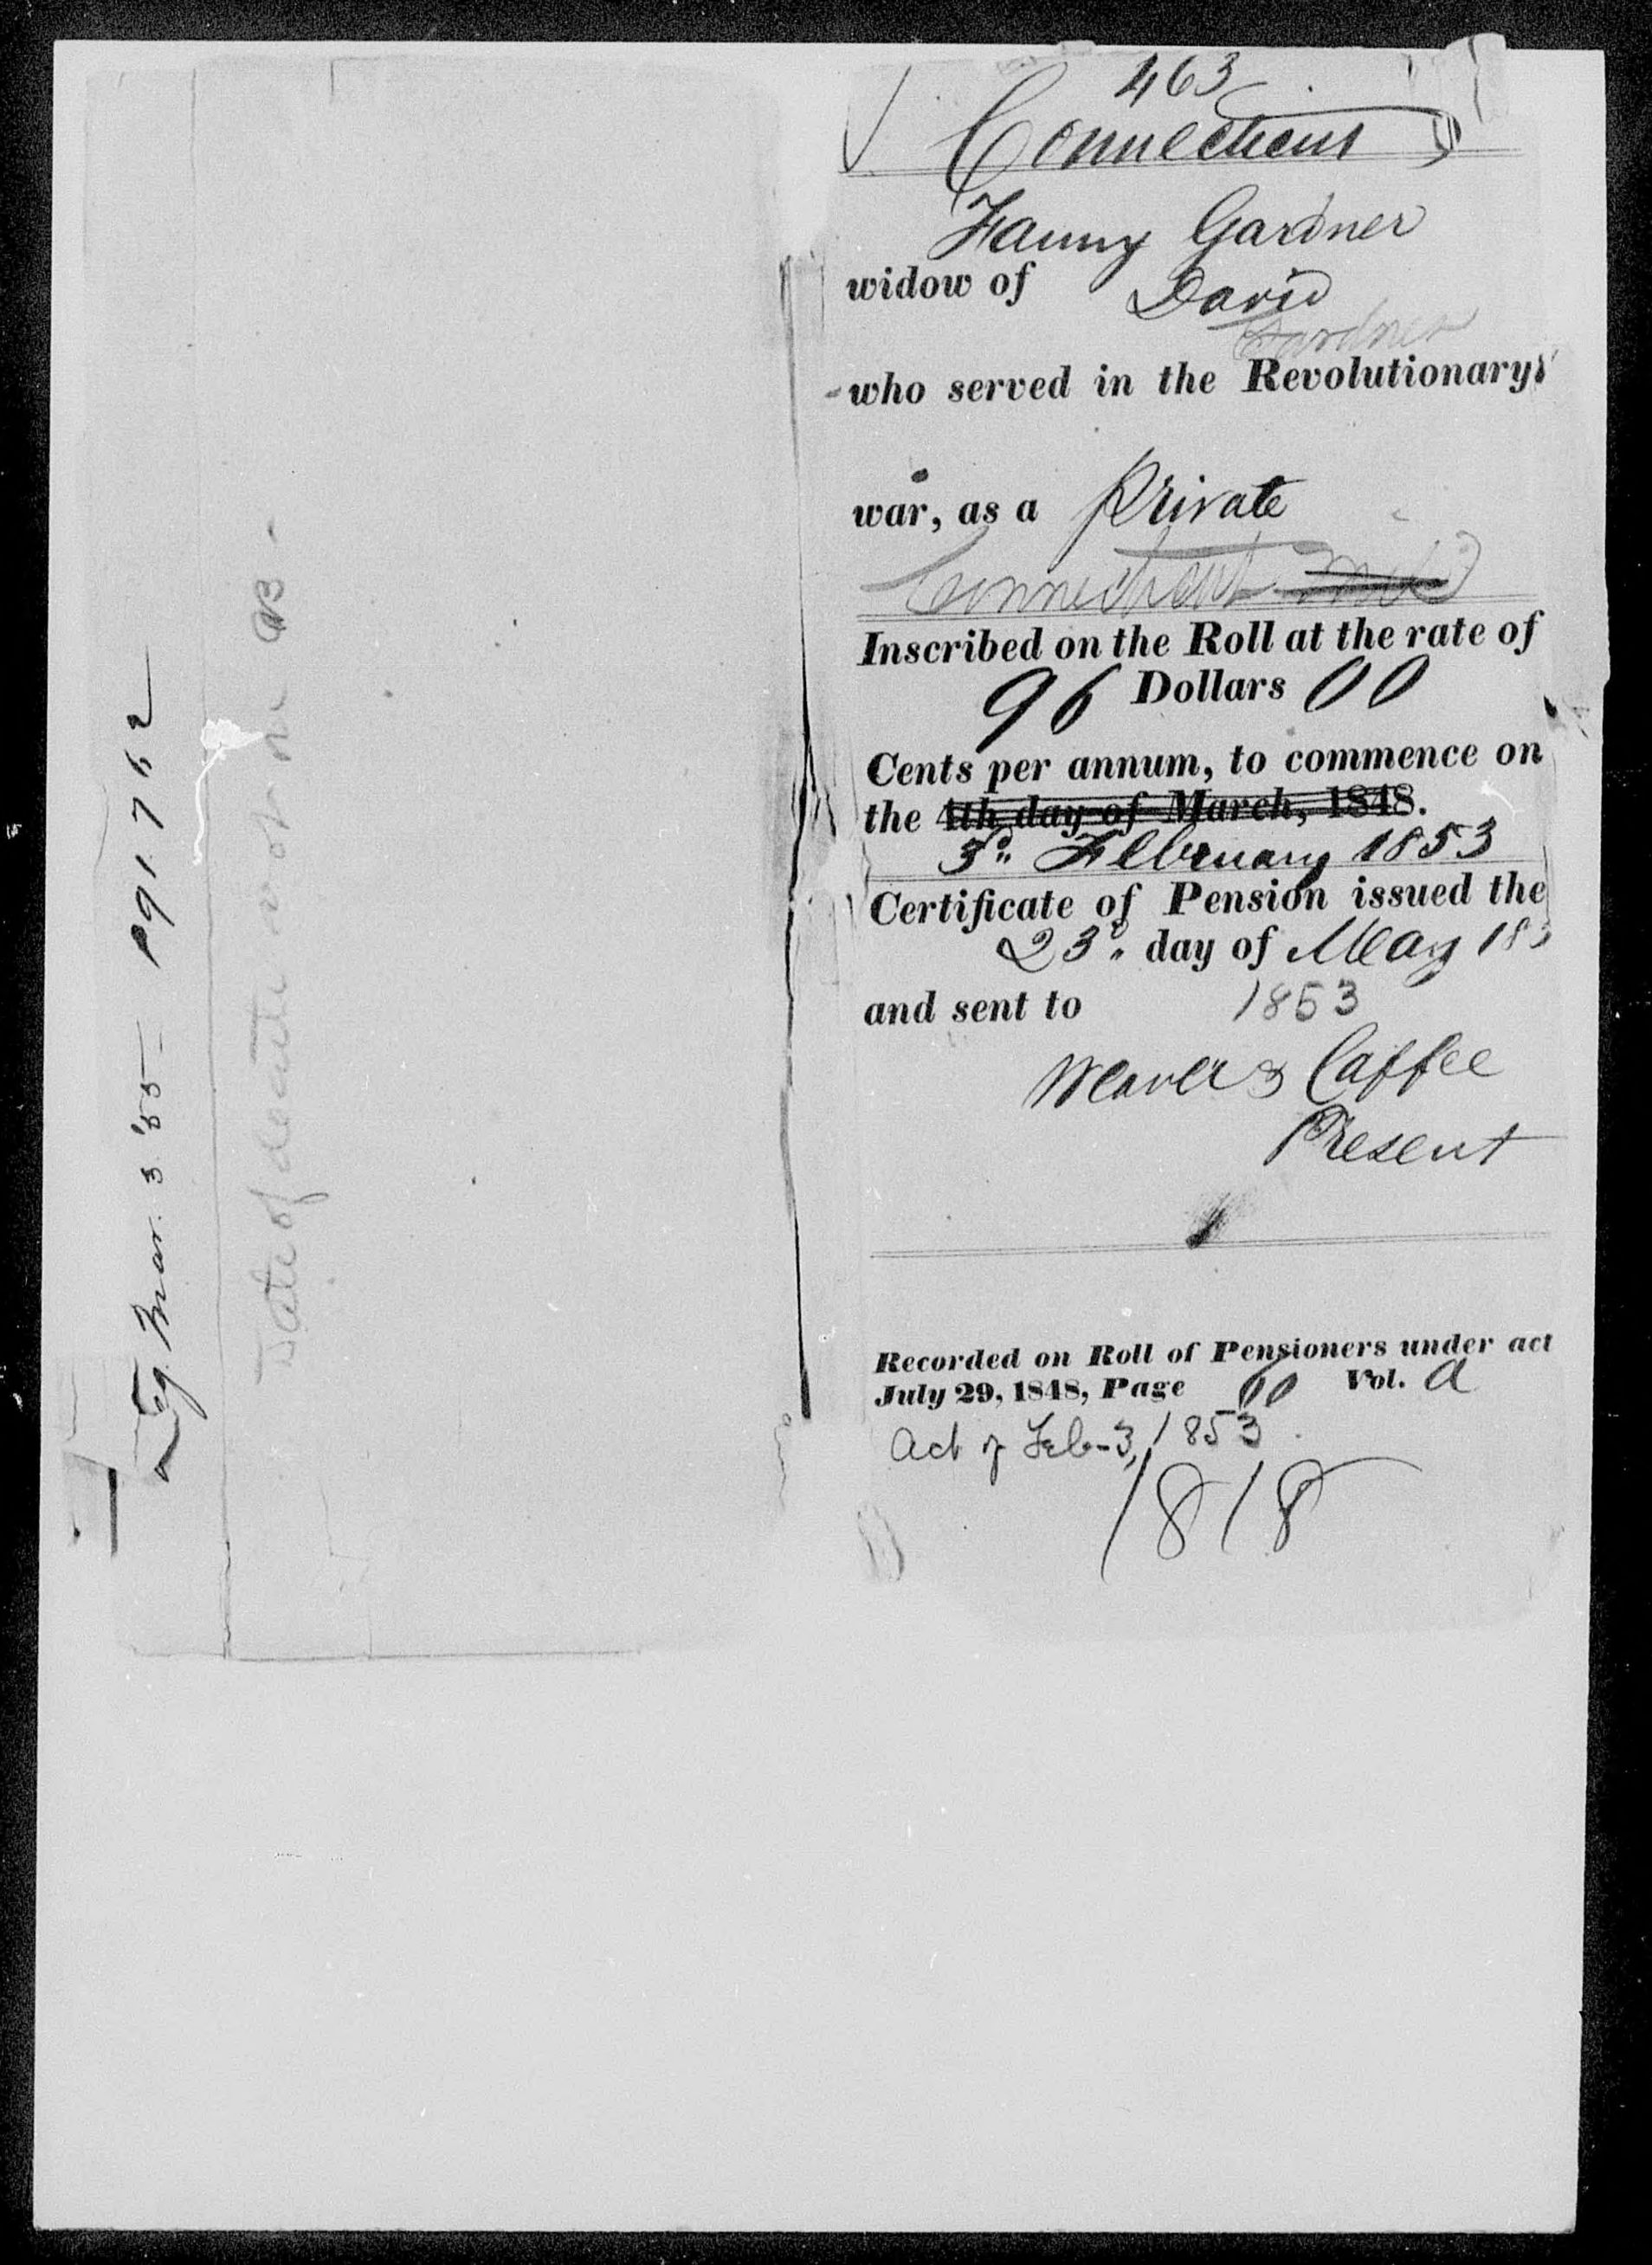463
Connecticut  
Fanny Gardner widow of David Gardner
who served in the Revolutionary war, as a  Private
Connecticut
Inscribed on the Roll at the rate of 
96 Dollars 00
Cents per annum, to commence on the 3rd February 1853
Certificate of Pension issued the 23 day of May 18 1853 and sent to  
Weavers Caffee Present 
Recorded on Roll of Pensioners under act July 29, 1848, Page 60  Vol. A 
Act of Feb. 3, 1853
1818

Mar 3 '55  191762
Date of death Not on AB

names: David Gardner, Weaver, Caffee, Fanny Gardner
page: 3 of 66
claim: widow's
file: W 1850, David Gardner, Conn.